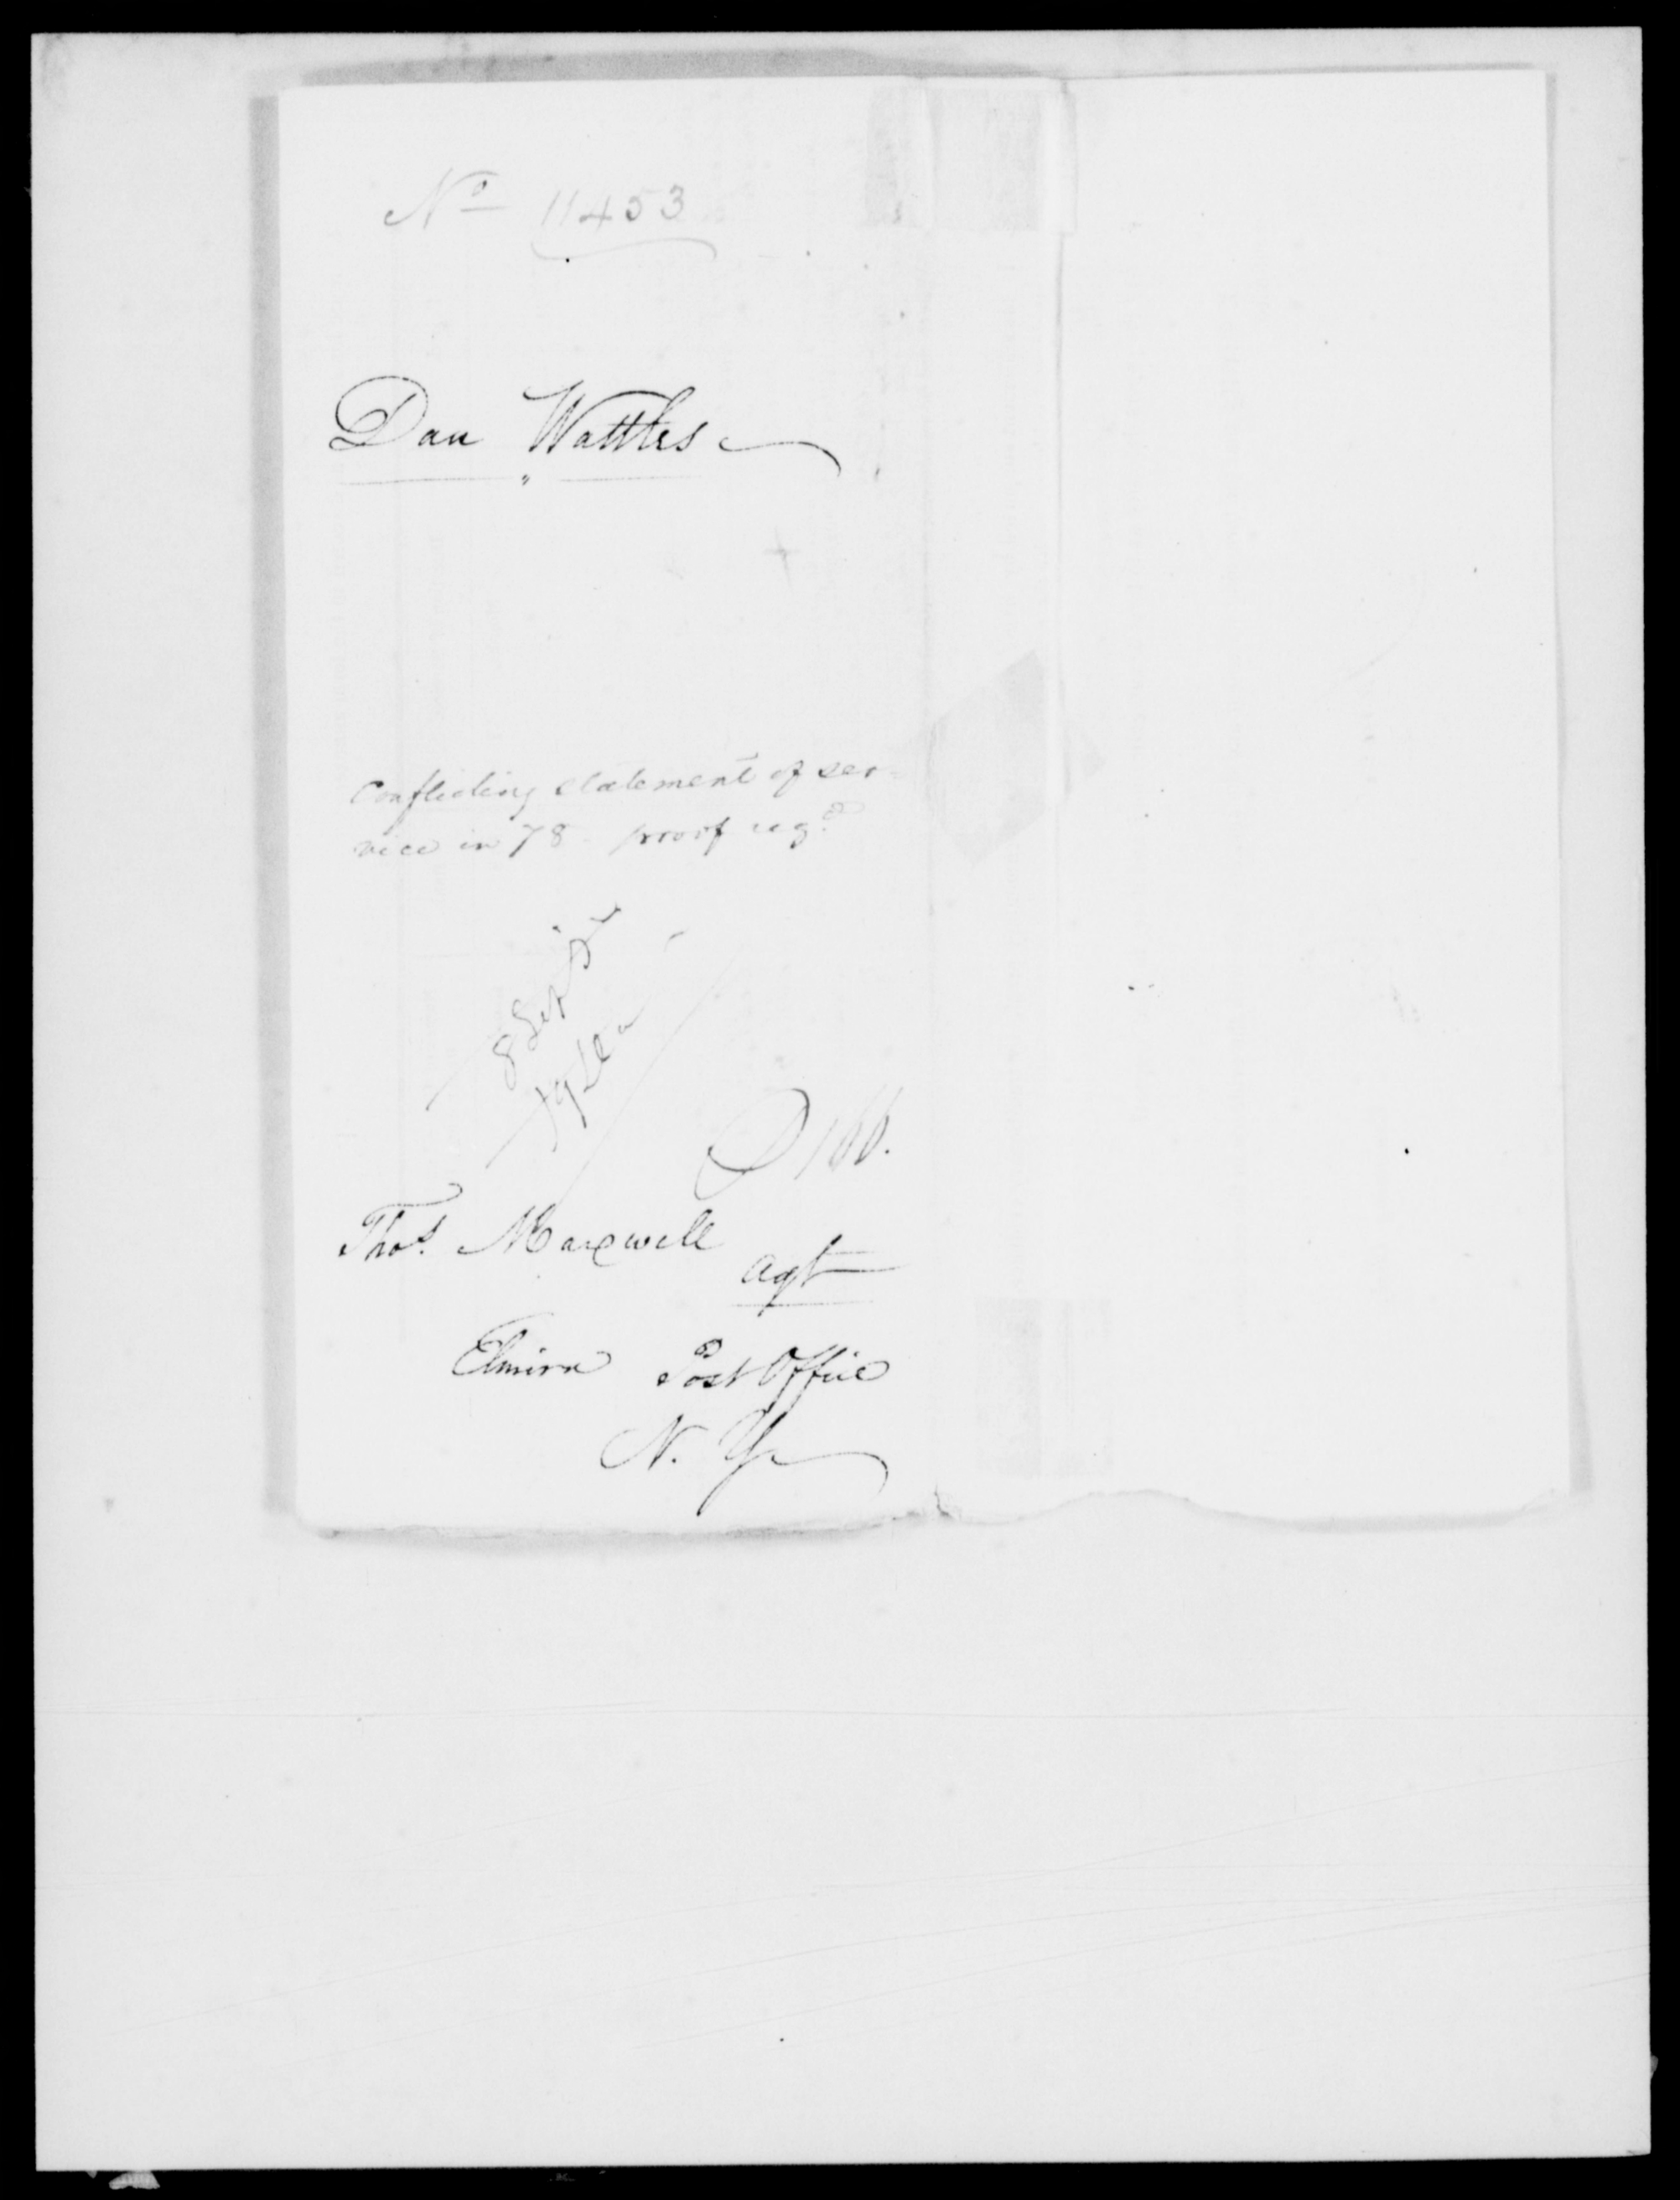No.   11453
         ------

Dan Wattles
-------------
conflicting statement of
 service in 78 proof reqd.

8 Seps
19 [ ]
[   ] 166.

Thos. Maxwell
agt
---

Elmira  Post Office
N. York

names: Thos Maxwell, Dan Wattles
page: 4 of 70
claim: widow's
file: W. 3743, Dan Wattles, Conn.